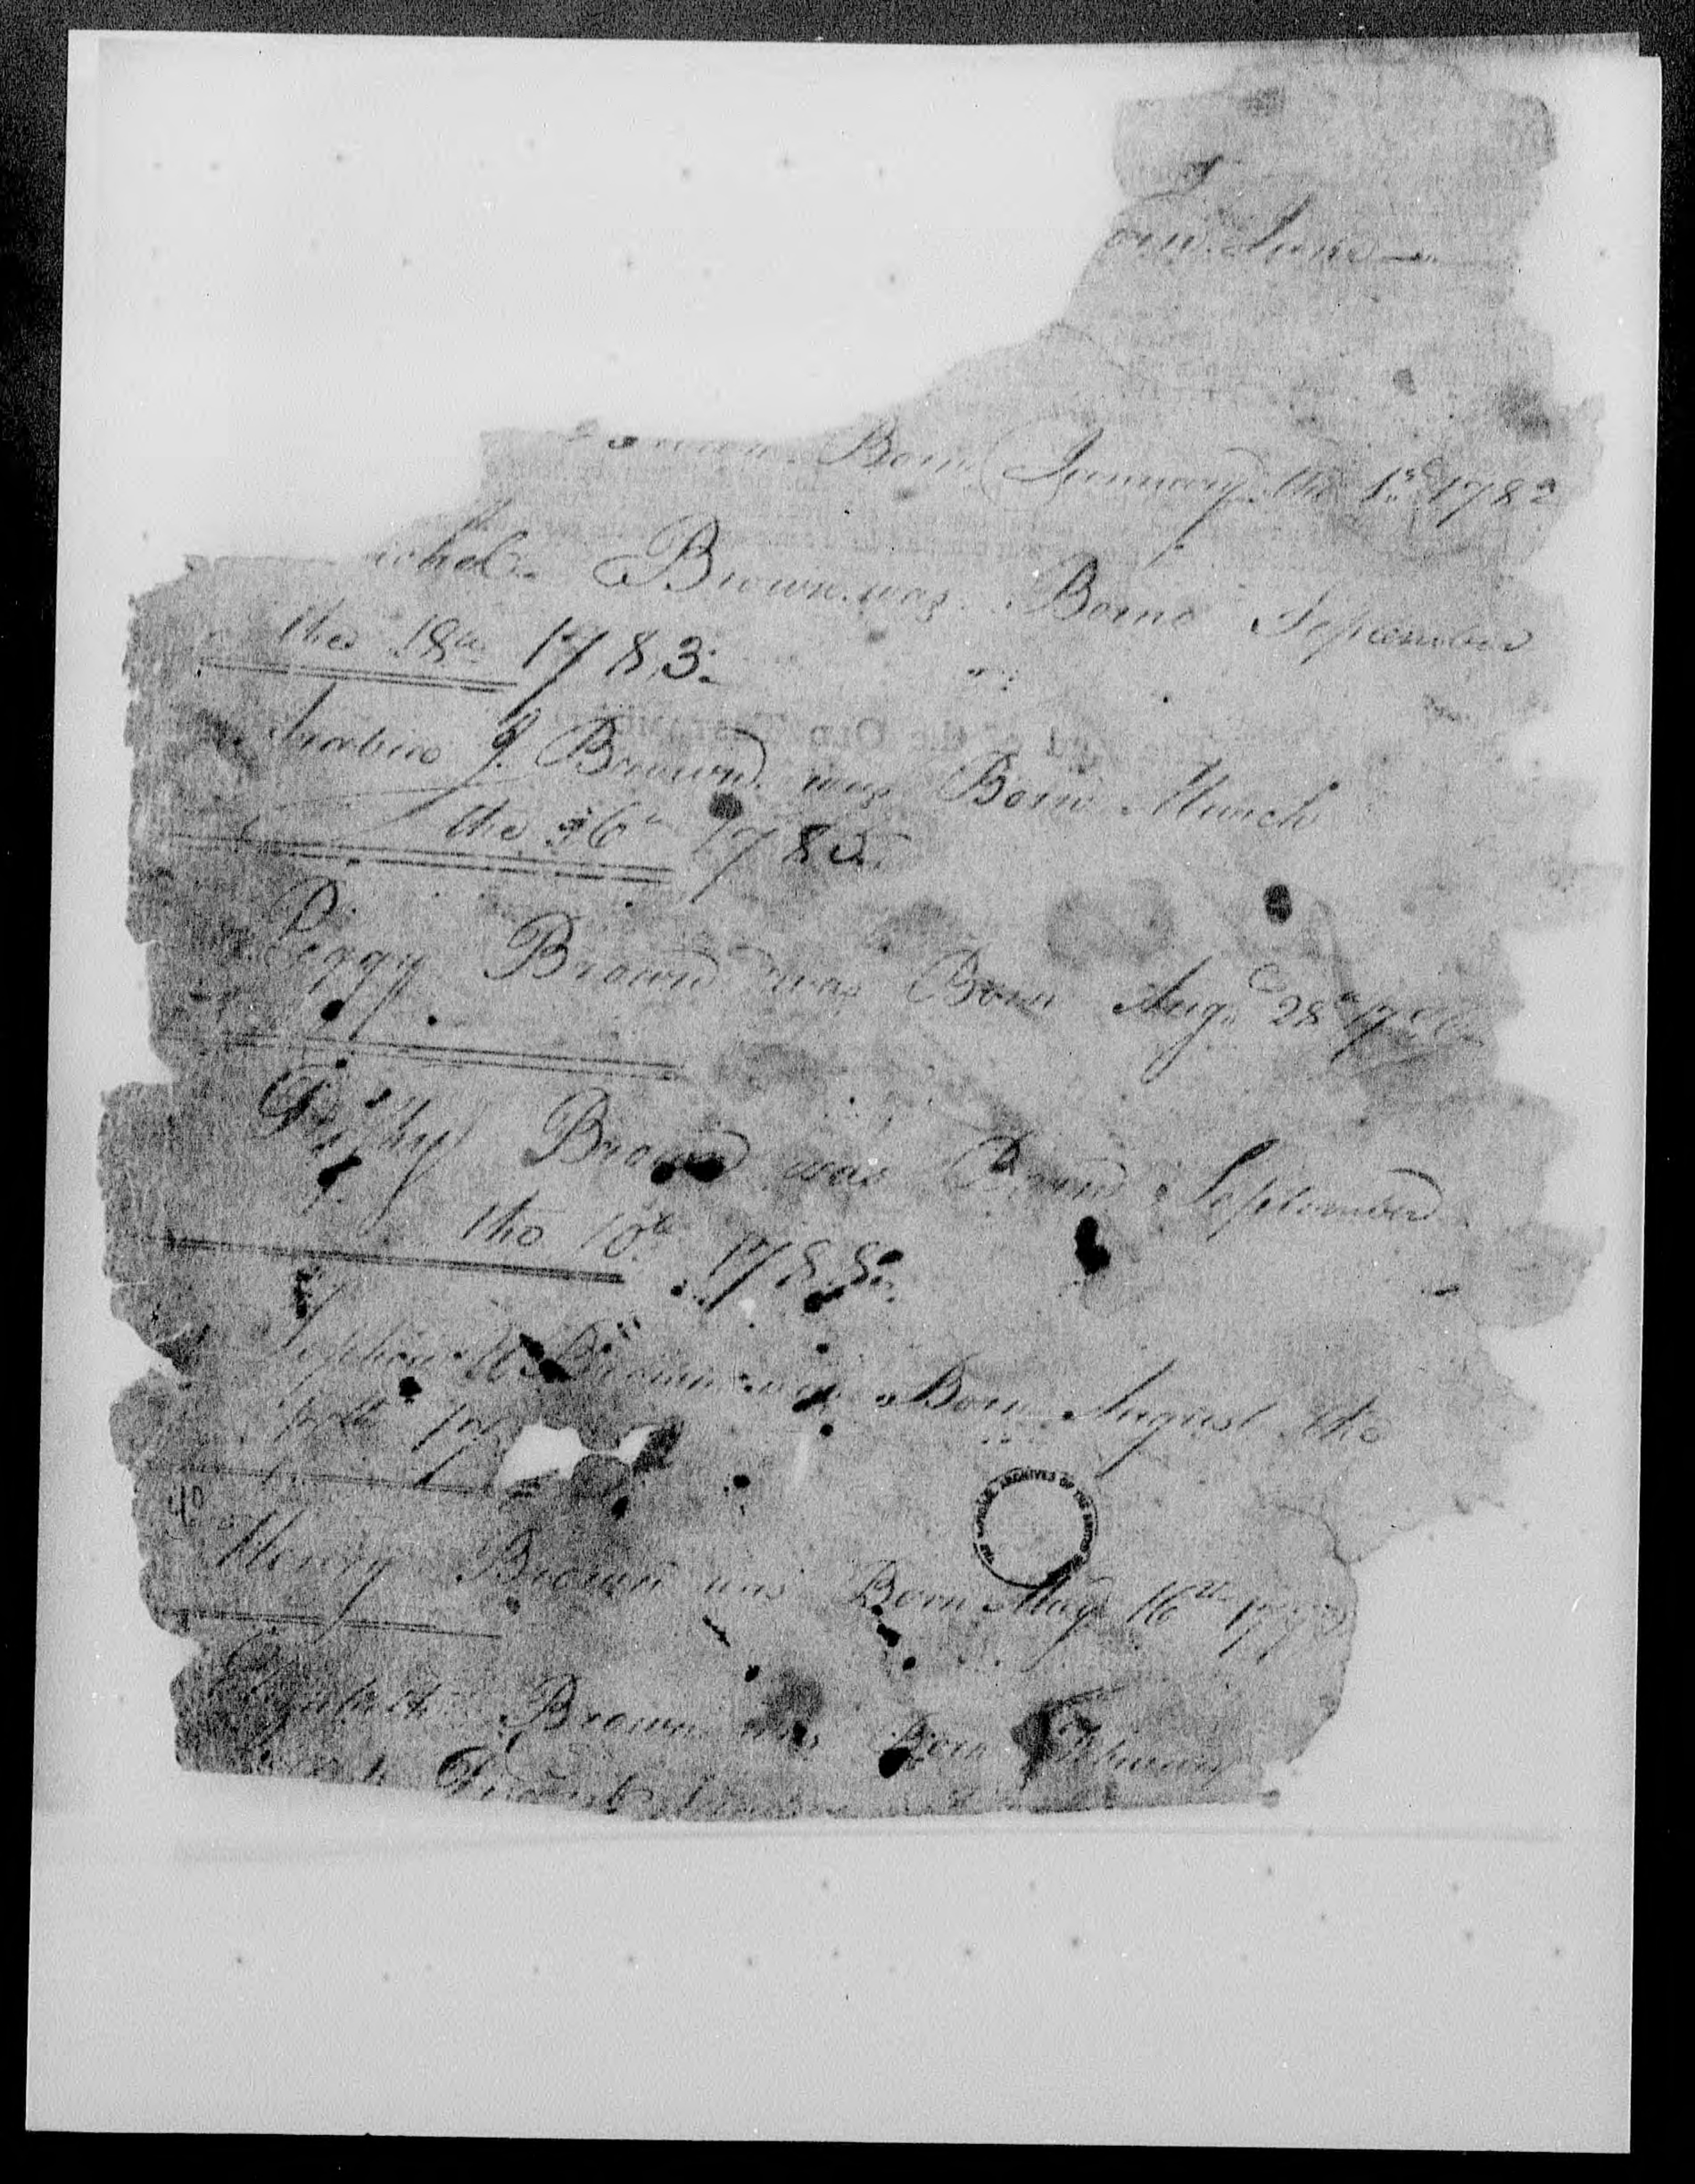[illegible] 
[illegible] Born January [illegible] 1782
[illegible] Brown [illegible] Born September the 18th 1783
[illegible] J. Brown was born March the 16th 1785
Peggy Brown was born Aug 28th 1786
[illegible] Brown was born September the 10th 1788
[illegible] H. Brown was born August the [illegible] 17[illegible]
Henry Brown was born May 16th 1790
[illegible] Brown was born [illegible]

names: Henry Brown, Brown, Peggy Brown, Stephen U Brown, Brown, Elizabeth Brown, Arabia J Brown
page: 15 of 65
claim: widow's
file: W. 8384, Arabia Brown, Va.